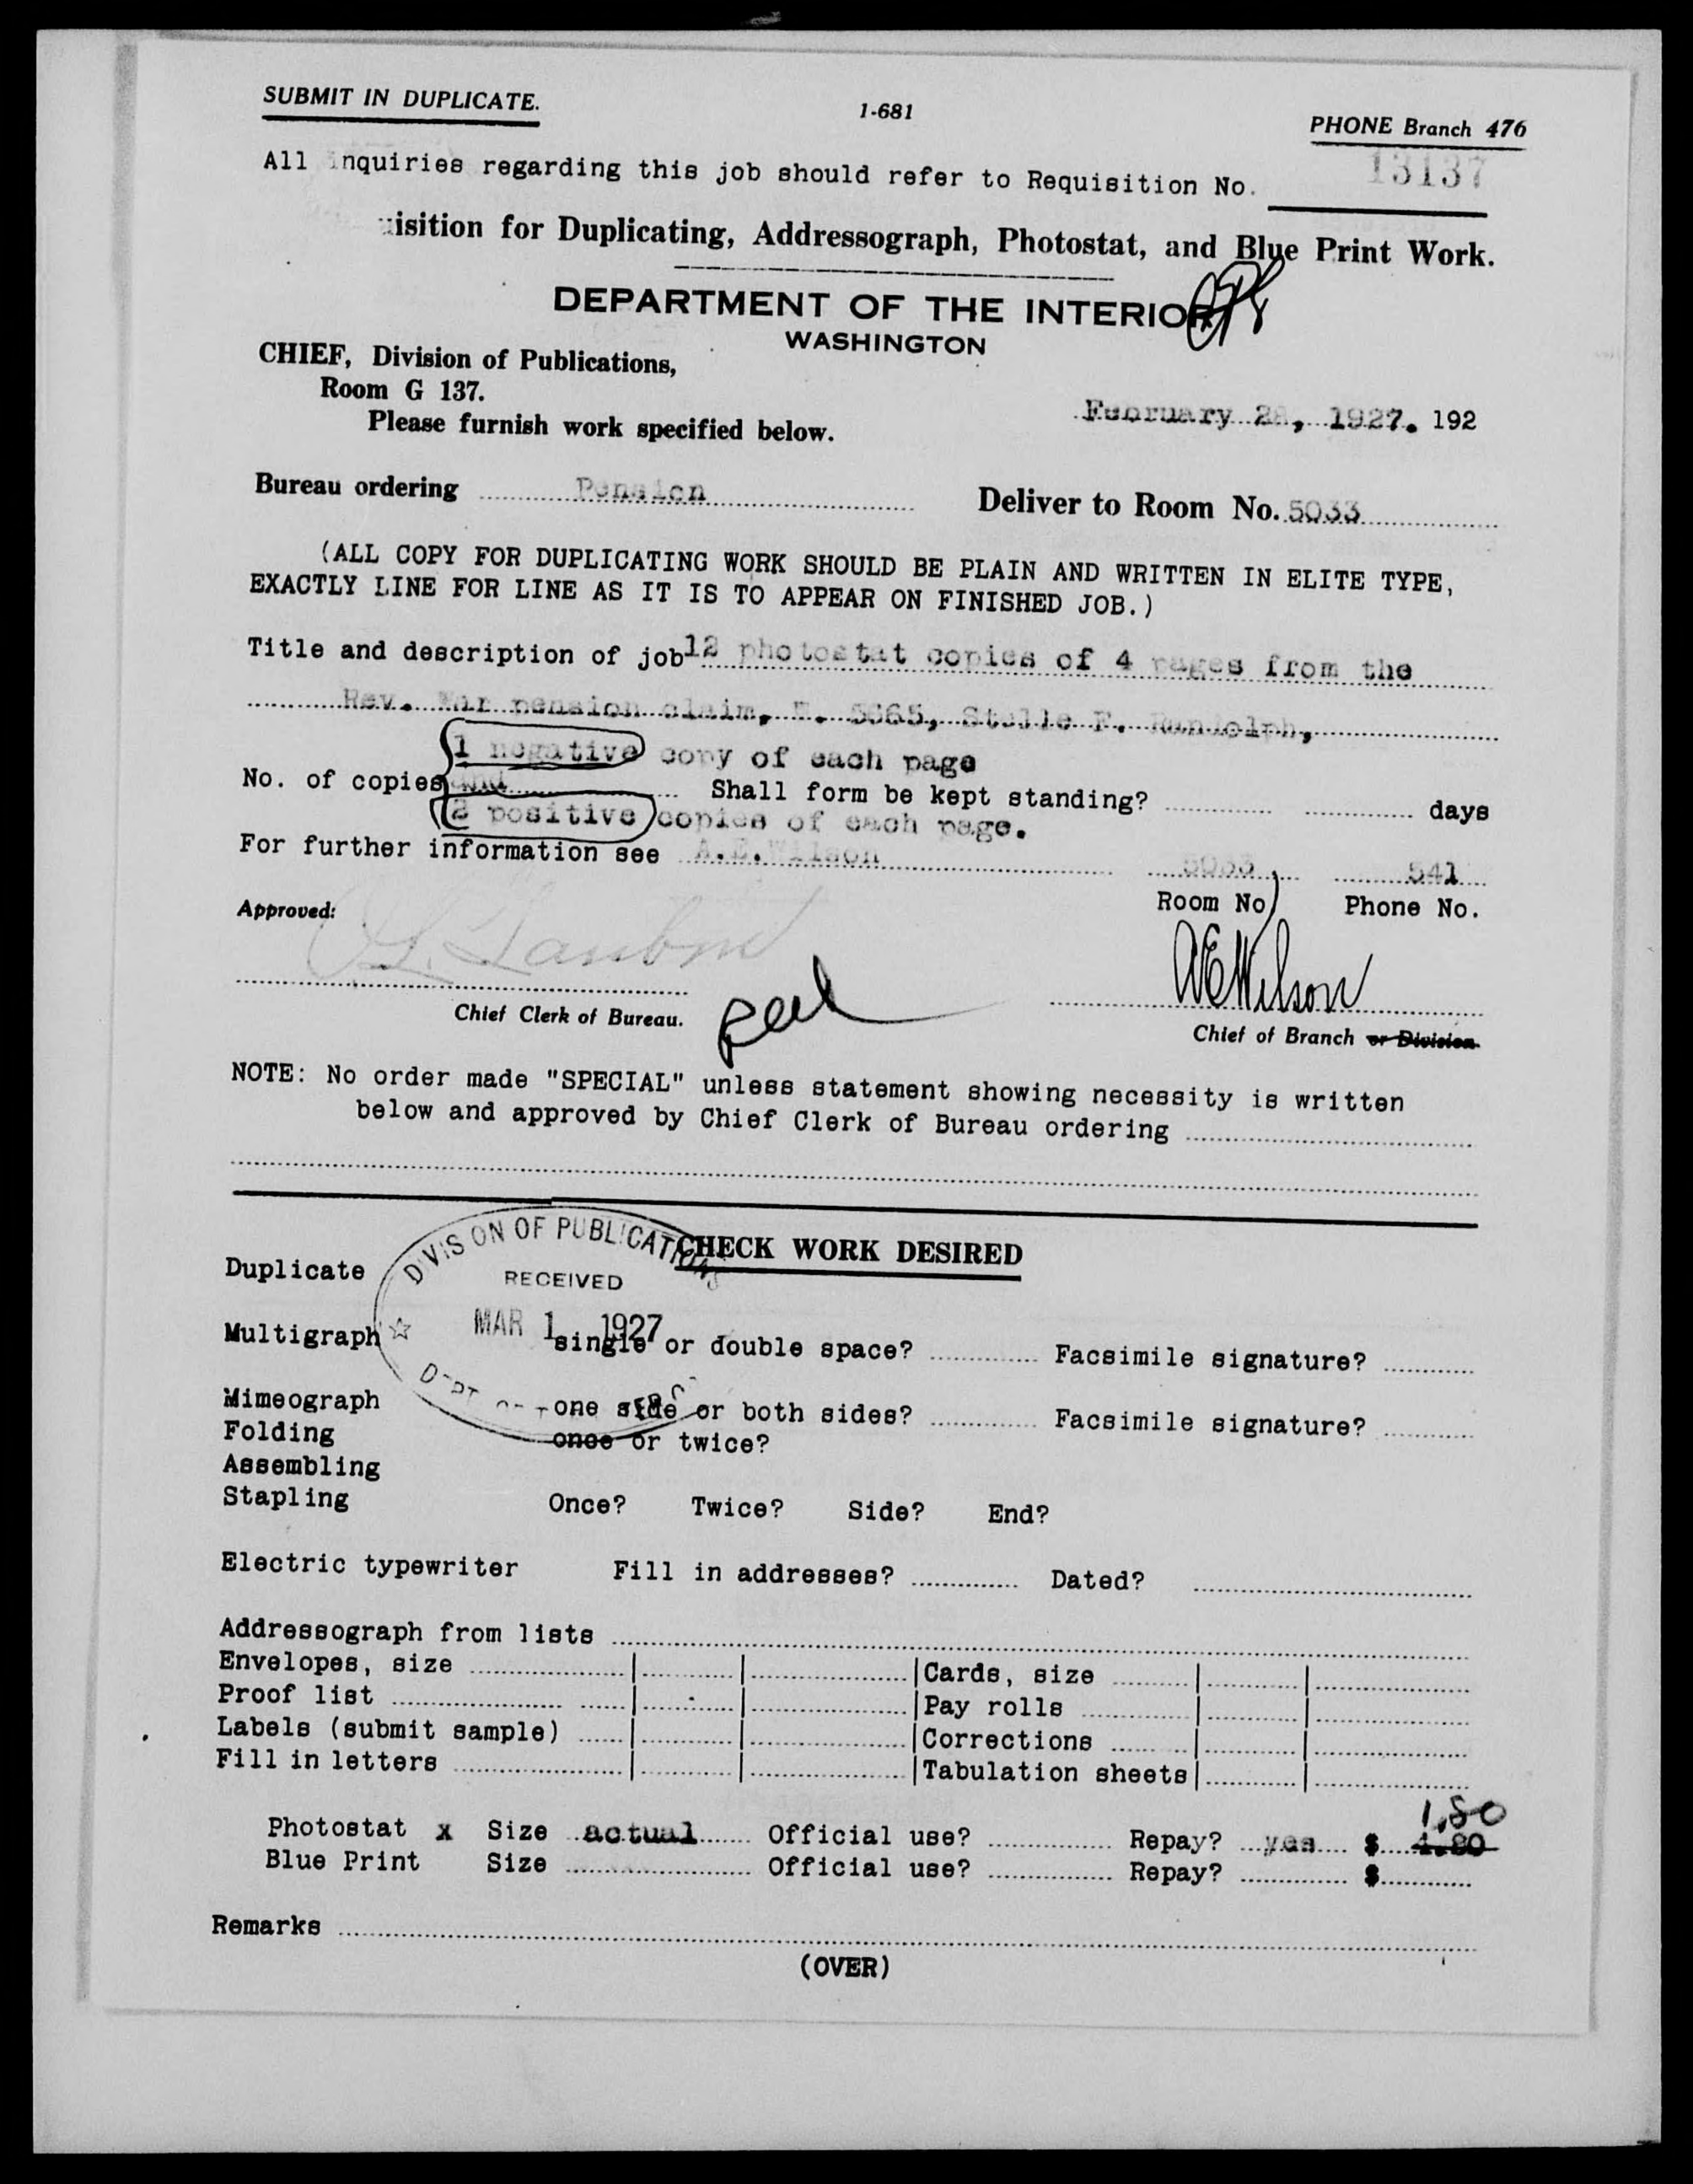SUBMIT IN DUPLICATE. 1-681 PHONE Branch 476
All inquiries regarding this job should refer to Requisition No. 13137
uisition [Requisition] for Duplicating, Addressograph, Photostat, and Blue Print Work. 
DEPARTMENT OF THE INTERIOR
WASHINGTON
CHIEF, Division of Publications, Room G 137. February 20, 1927. 192 Please furnish work specified below.
Bureau ordering Pension Deliver to Room No. 5033
(ALL COPY FOR DUPLICATING WORK SHOULD BE PLAIN AND WRITTEN IN ELITE TYPE, EXACTLY LINE FOR LINE AS IT IS TO APPEAR ON FINISHED JOB.)
Title and description of job 12 photostat copies of 4 pages from the war pension claim, [illegible]. 5665, Stelle F Randolph,
No. of copies
1 negative copy of each page and 2 positive copies of each page. Shall form be kept standing? days
For further information see A.E.Wilson 5033 541 Room No Phone No.
Approved:
OL Lavbm Chief Clerk of Bureau.
AEWilson Chief of Branch or Division
Reel
NOTE: No order made "SPECIAL" unless statement showing necessity is written below and approved by Chief Clerk of Bureau ordering
CHECK WORK DESIRED
DIVISON OF PUBLICATIONS RECEIVED MAR 1, 1927 SEPT OF THE INTERIOR
Duplicate
Multigraph single or double space? Facsimile signature? 
Mimeograph one side or both sides? Facsimile signature? 
Folding once or twice?
Assembling 
Stapling Once? Twice? Side? End?
Electric typewriter Fill in addresses? Dated?
Addressograph from lists
Envelopes, size | Cards, size
Proof list | Pay rolls
Labels (submit sample) | Corrections
Fill in letters | Tabulation sheets
Photostat x Size actual Official use? Repay? yes $1.50 $4.80
Blue Print Size Official use? Repay?
Remarks
(OVER)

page: 32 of 33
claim: widow's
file: W. 5,665, for Stelle F Randolph, New Jersey